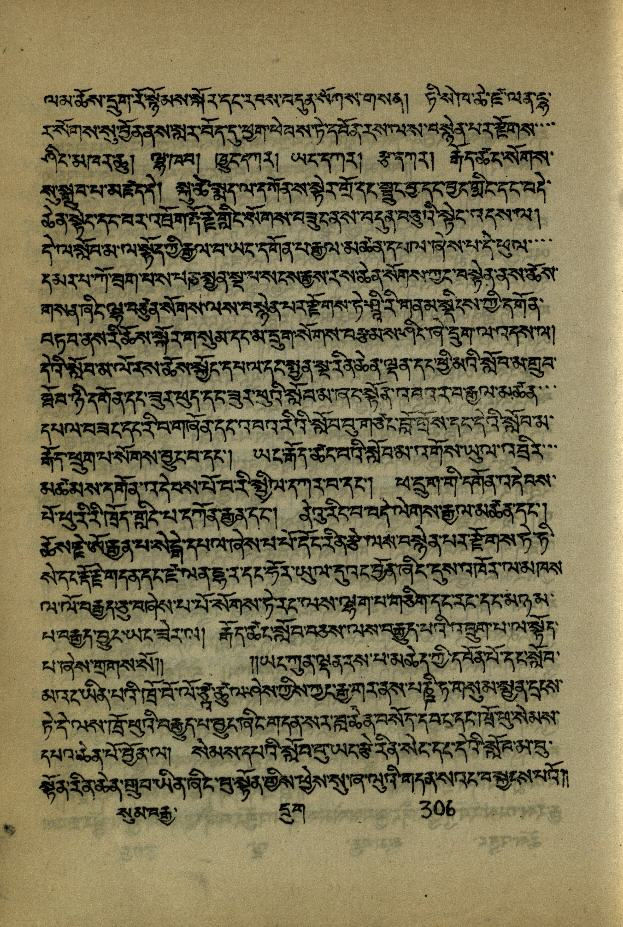ལམ་ཆོས་དྲུག་རོ་སྙོམས་སྐོར་དང་རབས་བདུན་སོགས་གསན། ཏི་སེ་ཁ་ཆེ་ཛ་ལན་དྷ་
ར་སོགས་སུ་བྱོན་ནས་སླར་བོད་དུ་ཕྱག་ཕེབས་ཏེ་དབོན་རས་ལས་བསྙེན་པར་རྫོགས་
ཤིང་མཁར་ཆུ། ལྷ་ཁབ། ཁྱུང་དཀར། ཡང་དཀར། རྩ་དཀར། རྒོད་ཚང་སོགས་
སུ་སྒྲུབ་པ་མཛད་དེ། སྐུ་ཚེ་སྨད་ལ་དགོན་ས་སྟེར་གྲོ་དང་སྦྲུང་བྱ་དང་བྱང་གླིང་དང་བདེ་
ཆེན་སྟེང་དང་བར་འབྲོག་རྡོ་རྗེ་གླིང་སོགས་བཟུང་ནས་བདུན་བཅུའི་སྟེང་འདས་ལ།
དེ་ལ་སློབ་མ་ལ་སྟོད་ཀྱི་རྒྱལ་བ་ཡང་དགོན་པ་རྒྱལ་མཚན་དཔལ་ཞེས་པ་དེ་ཕུལ་
དམར་པ་ཀོ་བྲག་པ་ས་པཎ་སྤྱན་སྔ་པ་སངས་རྒྱས་རས་ཆེན་སོགས་ཀྱང་བསྟེན་ནས་ཆོས་
གསན་ཞིང་ལྷ་བཙུན་སོགས་ལས་བསྙེན་པར་རྫོགས་ཏེ་ཤྲཱི་རི་གནམ་སྡིངས་ཀྱི་དགོན་
བཏབ་ནས་རི་ཆོས་སྐོར་གསུམ་དང་མ་དྲུག་སོགས་བརྩམས་ཤིང་ཞེ་དྲུག་ལ་འདས་ལ།
དེའི་སློབ་མ་ལོ་རས་ཆོས་སྐྱོང་དཔལ་དང་སྤྱན་སྔ་རིན་ཆེན་ལྡན་དང་ཕྱི་མའི་སློབ་མ་གྲུབ་
ཐོབ་ཉི་དགོན་དང་ཟུར་ཕུད་དང་ཟུར་ཕུའི་སློབ་མ་ཞང་སྟོན་འབའ་རབ་རྒྱལ་མཚན་
དཔལ་བཟང་དང་རི་བ་གཞོན་དང་འབའ་རིའི་སློབ་བུ་གཙང་བློ་གྲོས་དང་དེའི་སློབ་མ་
རྒོད་ཕྲུག་པ་སོགས་བྱུང་བ་དང་། ཡང་རྒོད་ཚང་བའི་སློབ་མ་འགོས་ཡུལ་འབྲིར་
མཚམས་དགོན་འདེབས་པོ་བ་རི་སྤྱིལ་དཀར་བ་དང་། ཕ་དྲུག་གི་དགོན་འདེབས་
པོ་ཕུ་རི་རི་ཁྲོད་གླིང་པ་དཀོན་རྒྱན་དང་། ནེའུ་རིང་བ་བདེ་ལེགས་རྒྱལ་མཚན་དང་།
ཆོས་རྗེ་ཨོ་རྒྱན་པ་སེངྒེ་དཔལ་ཞེས་པ་པོ་དོང་རིན་རྩེ་ལས་བསྙེན་པར་རྫོགས་ཏེ་ཏི་
སེ་དང་རྡོ་རྗེ་གདན་དང་ཛ་ལན་དྷ་ར་དང་ཧོར་ཡུལ་དུའང་བྱོན་ཞིང་དུས་འཁོར་ལ་མཁས་
ལ་ལོ་བརྒྱད་ཅུ་བཞེས་པ་པོ་སོགས་ཏེ་རང་ལས་ལྷག་པ་གཅིག་དང་རང་དང་མཉམ་
པ་བརྒྱད་བྱུང་ཡང་ཟེར་ལ། རྒོད་ཚང་སློབ་བཅས་ལས་བརྒྱུད་པའི་འབྲུག་པ་ལ་སྟོད་
པ་ཞེས་གྲགས་སོ།། །།ཡང་ཀུན་ལྡན་རས་པ་མཆེད་ཀྱི་དབོན་པོ་དང་སློབ་
མའང་ཡིན་པའི་ཁྲོ་བོ་ལོ་ཙཱ་ཚུལ་ཤེས་ཀྱིས་ཀྱང་རྒྱ་གར་ནས་པཎྚི་ཏ་གསུམ་སྤྱན་དྲངས་
ཏེ་དེ་ལས་ཁྲོ་ཕུའི་བརྒྱུད་པ་བྱུང་ཞིང་གདན་སར་བླ་ཆེན་བསོད་དབང་དང་ཁྲོ་ཕུ་སེམས་
དཔའ་ཆེན་པོ་བྱོན་ལ། སེམས་དཔའི་སློབ་བུ་ཡང་རྩེ་རིན་སེང་དང་དེའི་སློབ་མ་བུ་
སྟོན་རིན་ཆེན་གྲུབ་ཡིན་ཞིང་བུ་སྟོན་གྱིས་ཕྱེས་སུ་ཞ་ལུའི་གདན་སའང་བསྐྱངས་པའོ།།